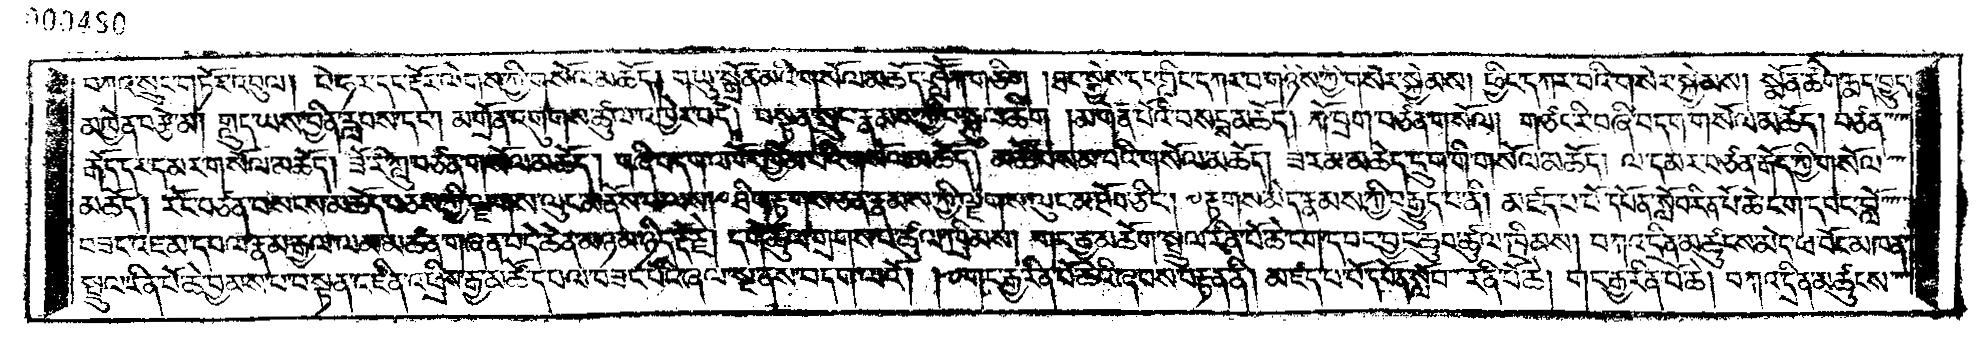བཀའ་སྲུང་གཏོར་འབུལ། པེ་ཧར་དང་རྡོར་ལེགས་ཀྱི་གསོལ་མཆོད། གཡུ་སྒྲོན་མའི་གསོལ་མཆོད་ཤོལོཀ་གཅིག། ཐང་སྐྱེས་དང་ལིང་དཀར་བ་གཉིས་ཀྱི་གསེར་སྐྱེམས། ཕྱིང་དཀར་བའི་བསེར་སྐྱེམས། སྨོན་ཚིག་རྨད་བྱུང་
མཁྱེན་བརྩེ་མ། གླུད་ཡས་བྱིན་རླབས་དང་། མགྲོན་འགུགས་ཚུལ་འཁྱེར་བདེ། བསྟན་སྲུང་རྣམས་ཀྱི་བསྐུལ་ཚིག །མགོན་པོའི་བསངས་མཆོད། ཀོ་བྲག་བཙན་གསོ། གཙང་རི་བཞི་བདག་གསོལ་མཆོད། བཙན་
རྒོད་དར་དམར་གསོལ་མཆོད། ཟོ་རི་ཀླུ་བཙུན་གསོལ་མཆོད། གཞི་བདག་འཁོར་ཁྱིམ་པའི་གསོལ་མཆོད། མཚོ་བསམ་པའི་གསོལ་མཆོད། ཟ་རམ་མཆེད་དྲུག་གི་གསོལ་མཆོད། ལ་དམར་བཙན་རྒོད་ཀྱི་གསོལ་
མཆོད། རོང་བཙན་བསངས་མཆོད་བཅས་ཀྱི་ལྗགས་ལུང་མནོས་པ་ལ། ཐིག་རྟགས་ཅན་རྣམས་ཀྱི་ལྗགས་ལུང་མ་ཐོབ་ཅིང་། ༧རྟགས་མེད་རྣམས་ཀྱི་བརྒྱུད་པ་ནི། མཛད་པ་པོ་དཔོན་སློབ་རིན་པོ་ཆེ་ངག་དབང་བློ་
བཟང་འཇམ་དཔལ་རྣམ་རྒྱལ་ལམ་མཚན་གཞན་བདེ་ཆེན་མཉམ་ཉིད་རྡོ་རྗེ། དགེ་ཚུལ་གྲགས་པ་ཚུལ་ཁྲིམས། གང་རྒྱ་མཆོག་སྤྲུལ་རིན་པོ་ཆེ་ངག་དབང་བྱང་ཆུབ་ཚུལ་ཁྲིམས། བཀའ་དྲིན་མཚུངས་མེད་ཕ་བོང་མཁན་
སྤྲུལ་རིན་པོ་ཆེ་བྱམས་པ་བསྟན་འཛིན་འཕྲིས་རྒྱ་མཚོ་དཔལ་བཟང་པོའི་ཞལ་སྔ་ནས་བདག་ལའོ། །༧གང་རྒྱ་རིན་པོ་ཆེའི་ཞབས་བརྟན་ནི། མཛད་པ་པོ་དཔོན་སློབ་རིན་པོ་ཆེ། གང་རྒྱ་རིན་པོ་ཆེ། བཀའ་དྲིན་མཚུངས་